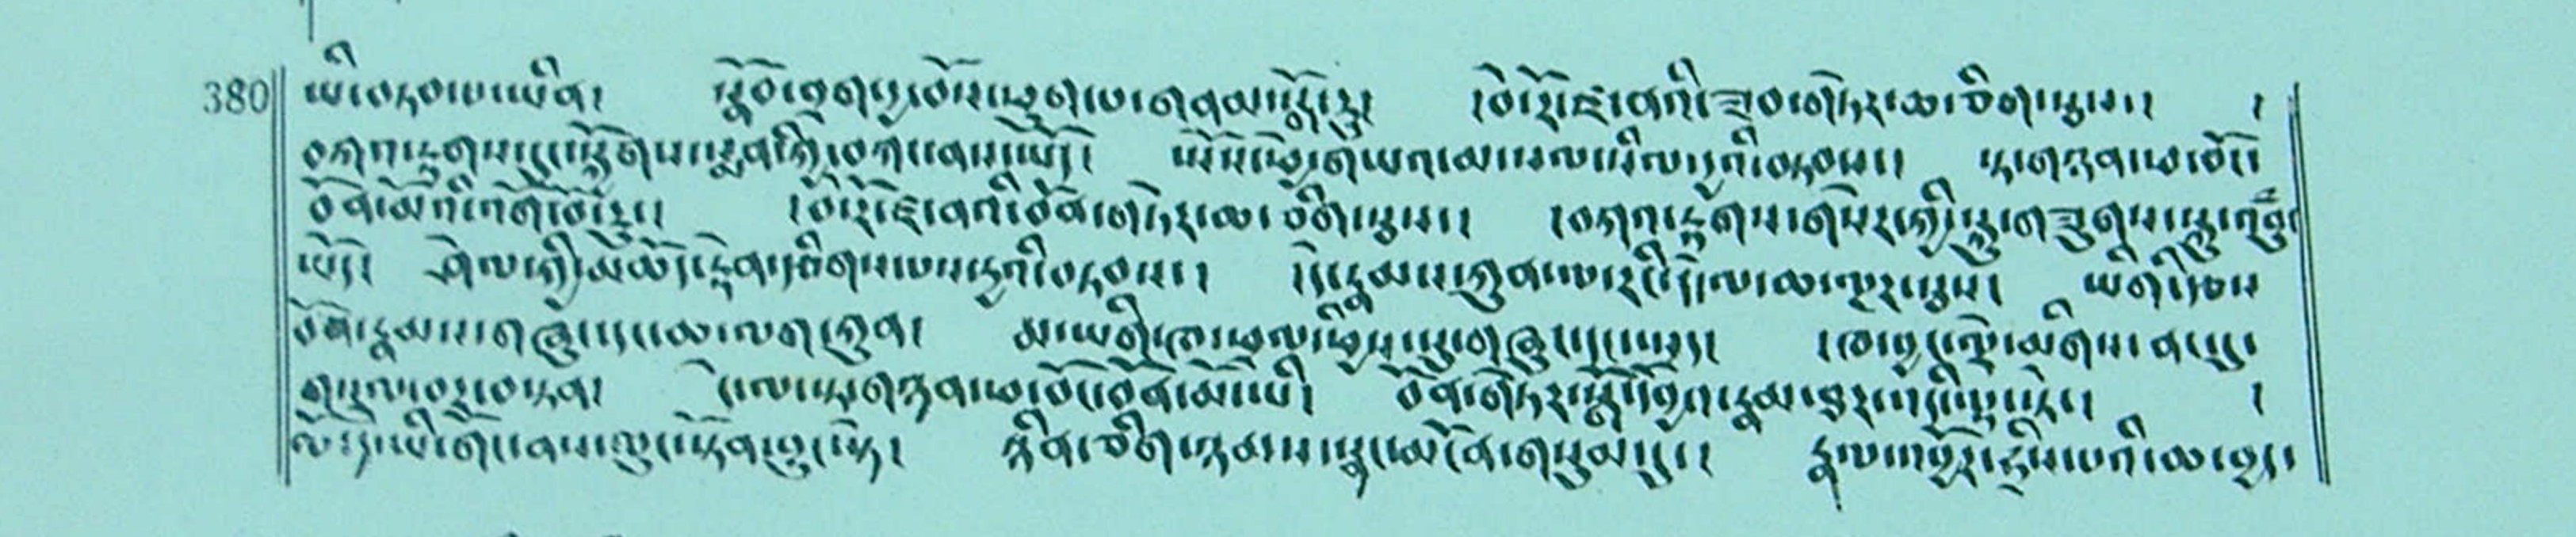ཡི་གདབ་པ་ཡིན། སྣོལ་བྲག་རྒྱལ་བོས་ཕུག་པ་གནམ་སྒོ་རུ། བེ་རོ་ཛ་ནའི་ཟབ་གཏེར་ཆ་གཅིག་སྦས།
 བཀའ་རྟགས་དུང་སྐྱོགས་སྨན་གྱིས་བཀང་ནས་གདའ། སྤོས་ཕྱེ་གཡའ་མ་སལ་སིལ་རྒྱའི་བཏབས། སྟ་གཉན་ཕ་བོང་
བོན་མོའི་མགོ་བོ་རུ། བེ་རོ་ཛ་ནས་བོན་གཏེར་ཆ་གཅིག་སྦས། བཀའ་རྟགས་གསེར་གྱི་སྐུ་གཟུགས་སྐུ་འབུམ་
ཡོད། ཤེལ་གྱི་མཆོད་རྟེན་བརྩིགས་པས་རྒྱ་ཡིས་བཏབ། དེ་རྣམས་ཀུན་ལ་རང་སྲེལ་ཆ་ལྔ་སྦས། ཡིག་རྩིས་
བོན་རྣམས་གཞུང་དང་ཆ་ལག་ཀུན། མ་ཡིག་ཁ་བྲལ་ཕྱིས་སུ་གཞུང་དང་སྤྲད། ཁ་བྱང་ལྡེ་མིགས་ནང་དུ་
གསལ་བར་བསྟན། དེ་ལ་སྟ་གཉན་ཕ་བོང་བོན་མོ་ཡི། བོན་གཏེར་སྒོ་དབྱེའ་རྣམ་ཐར་འདི་ལྟ་སྟེ། 
ལོ་དེའི་གོང་ནས་ལུང་སྟོན་བྱུང་ཏེ། ཉིན་ཅིག་ཉམས་སྣང་མངོན་གསུམ་དུ། རྣལ་འབྱོར་ཧྲིས་པའི་ཆ་བྱད་